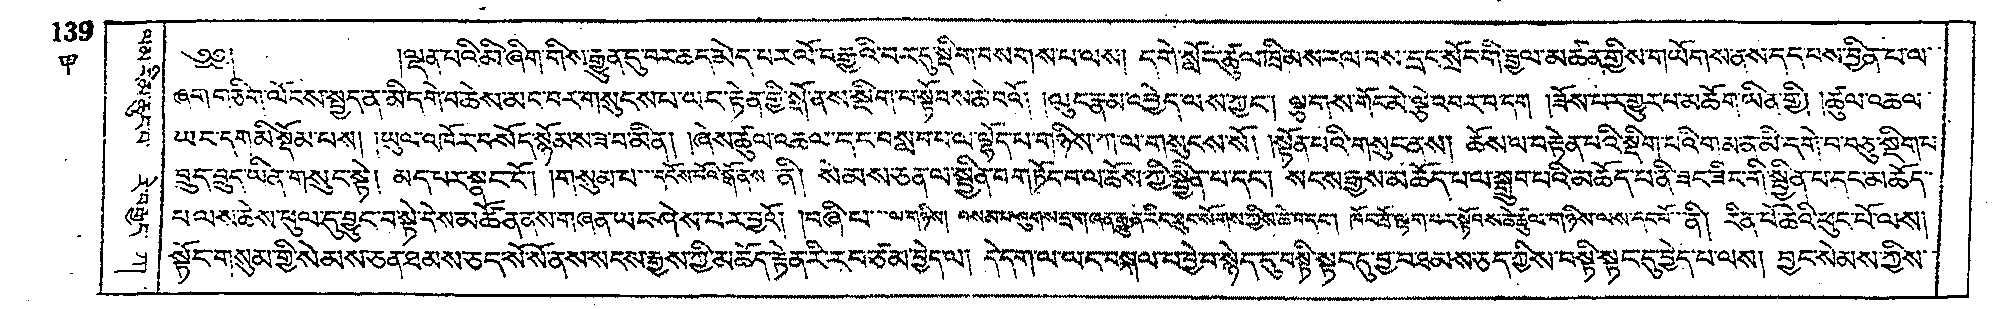༄༅། །ལྡན་པའི་མི་ཞིག་གིས་རྒྱུན་དུ་བར་ཆད་མེད་པར་ལོ་བརྒྱའི་བར་དུ་སྡིག་བསགས་པ་ལས། དགེ་སློང་ཚུལ་ཁྲིམས་རལ་བས་དྲང་སྲོང་གི་རྒྱལ་མཚན་གྱིས་གཡོགས་ནས་དད་པས་བྱིན་པ་ལ་
ཞག་གཅིག་ལོངས་སྤྱད་ན་མི་དགེ་བ་ཆེས་མང་བར་གསུངས་པ་ཡང་རྟེན་གྱི་སྒོ་ནས་སྡིག་པ་སྟོབས་ཆེ་བའོ། །ལུང་རྣམ་འབྱེད་ལས་ཀྱང་། ལྕགས་གོང་མེ་ལྕེ་འབར་པ་དག །ཟོས་པར་གྱུར་པ་མཆོག་ཡིན་གྱི། །ཚུལ་འཆལ་
ཡང་དག་མི་སྡོམ་པས། །ཡུལ་འཁོར་བསོད་སྙོམས་ཟ་བ་མིན། །ཞེས་ཚུལ་འཆལ་དང་བསླབ་པ་ལ་ལྷོད་པ་གཉིས་ཀ་ལ་གསུངས་སོ། །སྟོན་པའི་གསུང་ནས། ཆོས་ལ་བརྟེན་པའི་སྡིག་པའི་གམ་ན་མི་དགེ་བ་བཅུ་སྡིག་པ་
བྲུད་བྲུད་ཡིན་གསུང་སྟེ། མད་པར་སྣང་ངོ། །གསུམ་པདངོས་པོའི་སྒོ་ནསནི། སེམས་ཅན་ལ་སྦྱིན་པ་གཏོང་བ་ལ་ཆོས་ཀྱི་སྦྱིན་པ་དང་། སངས་རྒྱས་མཆོད་པ་ལ་སྒྲུབ་པའི་མཆོད་པ་ནི་ཟང་ཟིང་གི་སྦྱིན་པ་དང་མཆོད་
པ་ལས་ཆེས་ཕུལ་དུ་བྱུང་བ་སྟེ་དེས་མཚོན་ནས་གཞན་ཡང་ཤེས་པར་བྱའོ། །བཞི་པལ་གཉིས། བསམ་པ་ཤུགས་དྲག་ཞན་རྒྱུན་རིང་ཐུང་སོགས་ཀྱིས་ཆེ་བ་དང་། ཁོང་ཁྲོ་ལྷག་པར་སྟོབས་ཆེ་ཚུལ་གཉིས་ལས་དང་པོནི། རིན་པོ་ཆེའི་ཕུང་པོ་ལས།
སྟོང་གསུམ་གྱི་སེམས་ཅན་ཐམས་ཅད་སོ་སོ་ནས་སངས་རྒྱས་ཀྱི་མཆོད་རྟེན་རི་རབ་ཙམ་བྱེད་ལ། དེ་དག་ལ་ཡང་བསྐལ་པ་བྱེ་བ་སྙེད་དུ་བསྟི་སྟང་དུ་བྱ་བ་ཐམས་ཅད་ཀྱིས་བསྟི་སྟང་དུ་བྱེད་པ་ལས། བྱང་སེམས་ཀྱིས་